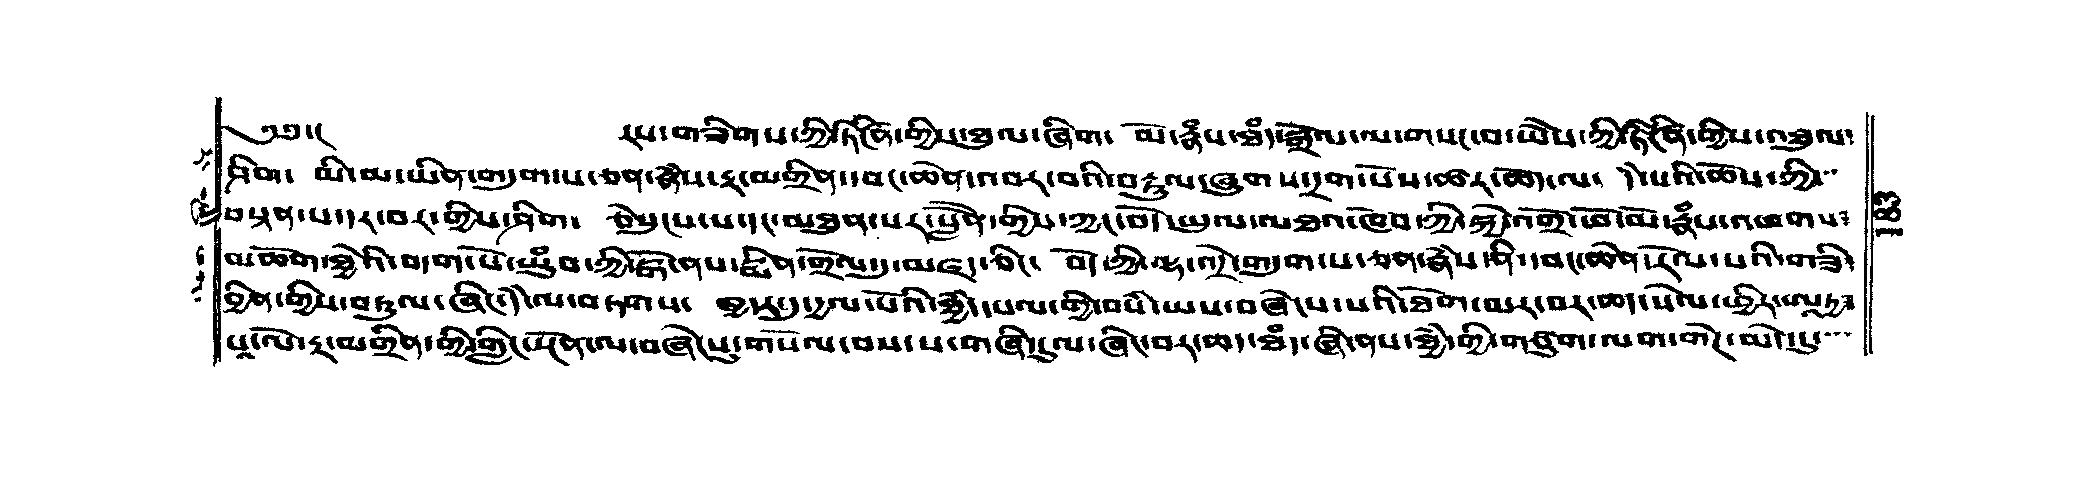རས་གཟིགས་ཀྱི་ཏིང་འཛིན་གྱིས་ཐུལ་ཞིག མོ་རྣམས་ཐམས་ཅད་སྒྲོལ་མ་གསང་བ་ཡེ་ཤེས་ཀྱི་ཏིང་ངེ་འཛིན་གྱིས་འཐུལ་
ཤིག་མི་མ་ཡིན་གདུག་པ་ཅན་རྣམས་རྟ་མགྲིན་དབང་ཆེན་འབར་བའི་བརྟུལ་ཞུགས་དྲག་པོས་ཚར་ཆོད་ལ། དམ་པའི་ཆོས་ཀྱི་
བསྟན་པ་དར་བར་གྱིས་ཤིག ཅེས་གསུངས་པ་དང་མཐུན་པར་སློབ་དཔོན་གྱིས་ཀྱང་བོད་ཡུལ་མཐའ་ཐོབ་ཀྱི་སྐྱེ་འགྲོ་ཕོ་མོ་རྣམས་འཕགས་
མཆོག་ཐུགས་རྗེའི་བདག་པོ་ཡབ་ཡུམ་གྱི་སྒོ་ནས་སྨིན་གྲོལ་དུ་མཛད་ཅིང་། བོད་ཀྱི་ལྷ་འདྲེ་གདུག་པ་ཅན་རྣམས་ནི་དབང་ཆེན་རོལ་བའི་གཟི་
བྱིན་གྱིས་བཏུལ་ཞིང་དམ་ལ་བཏགས། ཁྱད་པར་དུ་རྒྱལ་པོའི་ཐུགས་དམ་དཔལ་གྱི་བསམ་ཡས་བཞེངས་པའི་ཐོག་མར་བར་ཆད་སེལ་ཕྱིར་ཨཱརྻ་
པཱ་ལོ་རྟ་མགྲིན་གྱི་གླིང་སྔོན་ལ་བཞེངས་སུ་གསོལ་བས་ས་གཞི་དུལ་ཞིང་བར་ཆད་ཐམས་ཅད་ཞི་ནས་ཐུགས་དམ་གྱི་གཙུག་ལག་གེགས་མེད་དུ་